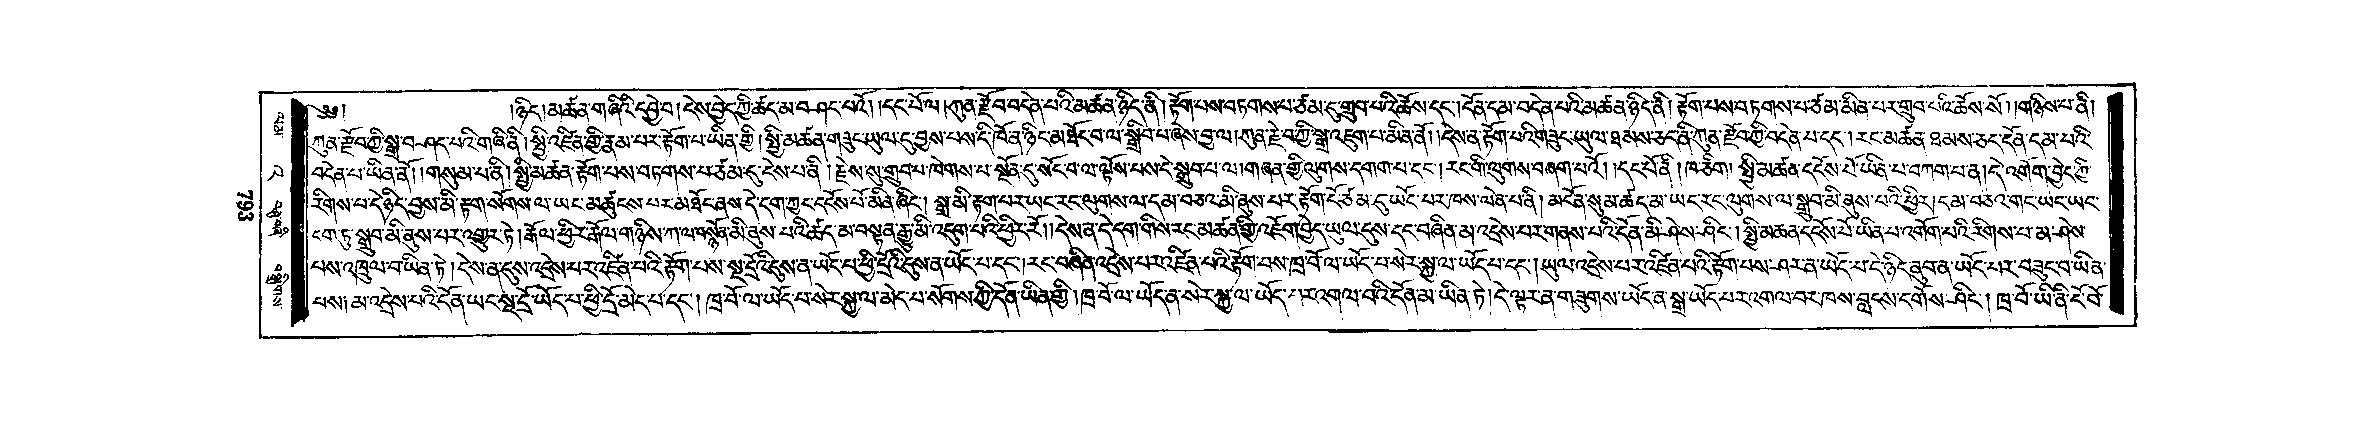༄༅། །ཉིད། མཚན་གཞིའི་དབྱེ་བ། ངེས་བྱེད་ཀྱི་ཚད་མ་བཤད་པའོ། །དང་པོ་ལ། ཀུན་རྫོབ་བདེན་པའི་མཚན་ཉིད་ནི། རྟོག་པས་བཏགས་པ་ཙམ་དུ་གྲུབ་པའི་ཆོས་དང་། དོན་དམ་བདེན་པའི་མཚན་ཉིད་ནི། རྟོག་པས་བཏགས་པ་ཙམ་མིན་པར་གྲུབ་པའི་ཆོས་སོ། །གཉིས་པ་ནི།
ཀུན་རྫོབ་ཀྱི་སྒྲ་བཤད་པའི་གཞི་ནི། སྤྱི་འཛིན་གྱི་རྣམ་པར་རྟོག་པ་ཡིན་གྱི། སྤྱི་མཚན་གཟུང་ཡུལ་དུ་བྱས་པས་དི་ཁོ་ན་ཉིད་མཐོང་བ་ལ་སྒྲིབ་པ་ཞེས་བྱ་ལ། ཀུན་རྗེ་བ་ཀྱི་སྒྲ་འཇུག་པ་མིན་ནོ། །དེས་ན་རྟོག་པའི་གཟུང་ཡུལ་ཐམས་ཅད་ནི་ཀུན་རྫོབ་ཀྱི་བདེན་པ་དང་། རང་མཚན་ཐམས་ཅད་དོན་དམ་པའི་
བདེན་པ་ཡིན་ནོ། །གསུམ་པ་ནི། སྤྱི་མཚན་རྟོག་པས་བཏགས་པ་ཙམ་དུ་ངེས་པ་ནི། རྗེས་སུ་གྲུབ་པ་ཁེགས་པ་སྔོན་དུ་སོང་བ་ལ་ལྟོས་པས་དེ་སྒྲུབ་པ་ལ། གཞན་གྱི་ལུགས་དགག་པ་དང་། རང་གི་ལུགས་བཞག་པའོ། །དང་པོ་ནི། ཁ་ཅིག །སྤྱི་མཚན་དངོས་པོ་ཡིན་པ་བཀག་པ་ན། དེ་འགོག་བྱེད་ཀྱི་
རིགས་པ་དེ་ཉིད་བྱས་མི་རྟག་སོགས་ལ་ཡང་མཚུངས་པར་མཐོང་ནས་དེ་དག་ཀྱང་དངོས་པོ་མིན་ཞིང་། སྒྲ་མི་རྟག་པར་ཡང་རང་ལུགས་ལ་དམ་བཅའ་མི་ནུས་པར་རྟོག་ངོ་ཙམ་དུ་ཡོད་པར་ཁས་ལེན་པ་ནི། མངོན་སུམ་ཚད་མ་ཡང་རང་ལུགས་ལ་སྒྲུབ་མི་ནུས་པའི་ཕྱིར། དམ་བཅའ་གང་ཡང་ཡང་
དག་ཏུ་སྒྲུབ་མི་ནུས་པར་འགྱུར་ཏེ། རྒོལ་ཕྱིར་རྒོལ་གཉིས་ཀ་ལ་བསྙོན་མི་ནུས་པའི་ཚད་མ་བསྟན་རྒྱུ་མི་འདུག་པའི་ཕྱིར་རོ། །དེས་ན་དེ་དག་གིས་རང་མཚན་གྱི་འཇོག་བྱེད་ཡུལ་དུས་དང་བཞིན་མ་འདྲེས་པར་གནས་པའི་དོན་མི་ཤེས་ཤིང་། སྤྱི་མཚན་དངོས་པོ་ཡིན་པ་འགོག་པའི་རིགས་པ་མ་ཤེས་
པས་འཁྲུལ་བ་ཡིན་ཏེ། དེས་ན་དུས་འདྲེས་པར་འཛིན་པའི་རྟོག་པས་སྔ་དྲོའི་དུས་ན་ཡོང་པ་ཕྱི་དྲོའི་དུས་ན་ཡོད་པ་དང་། རང་བཞིན་འདྲེས་པར་འཛིན་པའི་རྟོག་པས་ཁྲ་བོ་ལ་ཡོད་པ་སེར་སྐྱ་ལ་ཡོད་པ་དང་། ཡུལ་འདྲེས་པར་འཛིན་པའི་རྟོག་པས་ཤར་ན་ཡོད་པ་དེ་ཉིད་ནུབ་ན་ཡོད་པར་བཟུང་བ་ཡིན་
པས། མ་འདྲེས་པའི་དོན་ཡང་སྔ་དྲོ་ཡོད་པ་ཕྱི་དྲོ་མེད་པ་དང་། ཁྲ་བོ་ལ་ཡོད་པ་སེར་སྐྱ་ལ་མེད་པ་སོགས་ཀྱི་དོན་ཡིན་གྱི། ཁྲ་བོ་ལ་ཡོད་ན་སེར་སྐྱ་ལ་ཡོད་པར་འགལ་བའི་དོན་མ་ཡིན་ཏེ། དེ་ལྟར་ན་གཟུགས་ཡོད་ན་སྒྲ་ཡོད་པར་འགལ་བར་ཁས་བླངས་དགོས་ཤིང་། ཁྲ་བོ་ཡི་ནི་ངོ་བོ་